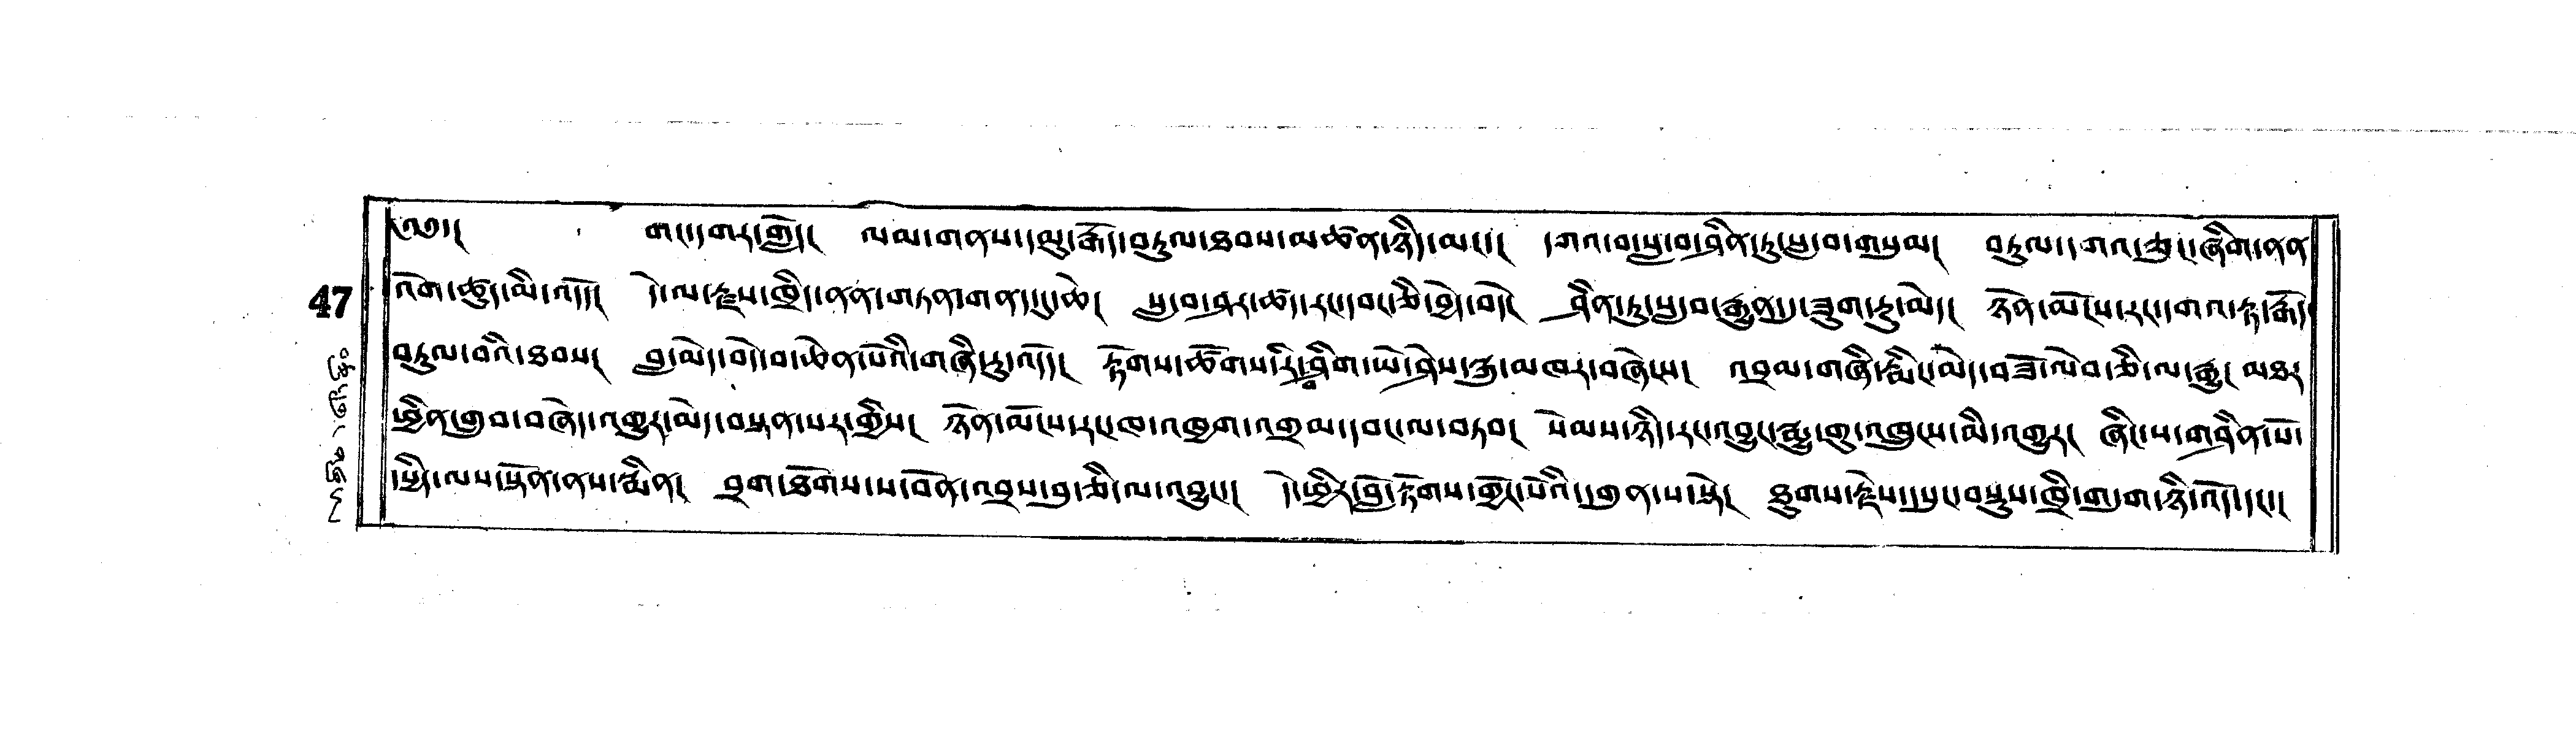གང་དགར་གློད། ལམ་གནས་དམུ་རྒོད་བཏུལ་ཐབས་མཚན་ཉིད་མང་། དཀའ་བ་སླ་བ་ཤིན་ཏུ་སླ་བ་གསུམ། བཏུལ་དཀའ་ཅུང་ཞིག་ནན་
འོག་ཚུད་མི་འདོད། དེ་ལ་རྫས་ཁྲིད་ནན་ཏན་གནད་དུ་ཆེ། སླ་བ་ཤར་ཚད་རང་དབང་ཅི་བྱེད་བདེ། ཤིན་ཏུ་སླ་བ་རྒྱུན་དུ་ཟུག་རྔུ་མེད། ཉོན་མོངས་རང་དགའ་རྟ་རྒོད་
བཏུལ་བའི་ཐབས། བླ་མེད་བདེ་བ་ཆེན་པོའི་གཞི་རུ་འདོད། རྟོགས་ཚོགས་རི་བཤིག་ཡེ་ཤེས་སྐུ་མཁར་བཞེངས། འབྲལ་གཞི་རྨེང་མེད་བཟོ་ལེབ་ཅི་ལ་རྒྱུ། མཐར་
ཕྱིན་གྲུབ་བཞེད་འགྱུར་མེད་བསྟན་པར་གྱིས། ཉོན་མོངས་རང་ཁ་འཁྱག་འགྲམ་དབང་ལ་བཏབ། སེམས་ཉིད་རང་འབྱུང་སྨྱུ་གུ་འཁྲུངས་མི་འགྱུར། ཞིང་ས་གཤིན་པོ་
དཔྱིད་ལས་སྟོན་ནས་སྨིན། བྲག་ཐོག་ས་བོན་འབྲས་བུ་ཅི་ལ་འབྱུང་། དེ་ཕྱིར་བློ་རྟོག་གྱོང་པོའི་དགུན་ས་སྟེ། ཐུགས་རྗེས་དཔུང་བསྡུས་ཁྲི་གདུག་ཉི་འོད་དང་།